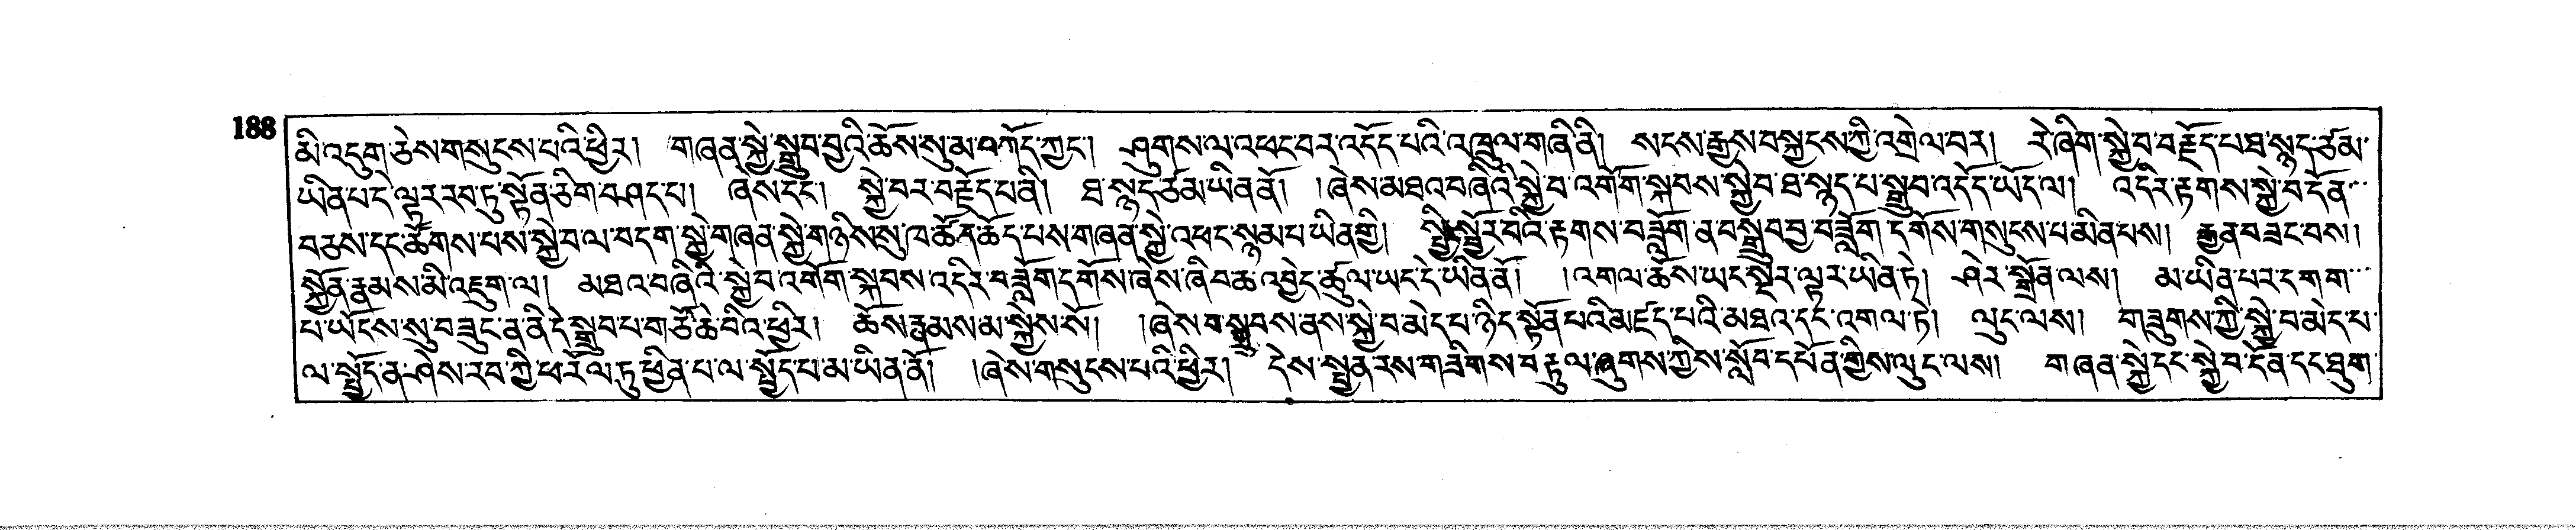མི་འདུག་ཅེས་གསུངས་པའི་ཕྱིར། གཞན་སྐྱེ་སྒྲུབ་བྱའི་ཆོས་སུ་མ་བཀོད་ཀྱང་། ཤུགས་ལ་འཕང་བར་འདོད་པའི་འཁྲུལ་གཞི་ནི། སངས་རྒྱས་བསྐྱངས་ཀྱི་འགྲེལ་བར། རེ་ཞིག་སྐྱེ་བ་བརྗོད་པ་ཐ་སྙད་ཙམ་
ཡིན་པ་དེ་ལྟར་རབ་ཏུ་སྟོན་ཅིག་བཤད་པ། ཞེས་དང་། སྐྱེ་བར་བརྗོད་པ་ནི། ཐ་སྙད་ཙམ་ཡིན་ནོ། །ཞེས་མཐའ་བཞིའི་སྐྱེ་བ་འགོག་སྐབས་སྐྱེ་བ་ཐ་སྙད་པ་སྒྲུབ་འདོད་ཡོད་ལ། འདིར་རྟགས་སྐྱེ་བ་དོན་
བཅས་དང་ཚོགས་པས་སྐྱེ་བ་ལ་བདག་སྐྱེ་གཞན་སྐྱེ་གཉིས་སུ་ཁ་ཚོད་ཆོད་པས་གཞན་སྐྱེ་འཕང་སྙམ་པ་ཡིན་གྱི། སྤྱིར་སྦྱོར་བའི་རྟགས་བཟློག་ན་བསྒྲུབ་བྱ་བཟློག་དགོས་གསུངས་པ་མིན་པས། རྒྱན་བཟང་བས།
སྐྱོན་རྣམས་མི་འཇུག་ལ། མཐའ་བཞིའི་སྐྱེ་བ་འགོག་སྐབས་འདིར་བཟློག་དགོས་ཞེས་ཞིབ་ཆ་འབྱེད་ཚུལ་ཡང་དེ་ཡིན་ནོ། །འགལ་ཆོས་ཡང་སྔར་ལྟར་ཡིན་ཏེ། ཤེར་སྒྲོན་ལས། མ་ཡིན་པར་དགག་
པ་ཡོངས་སུ་བཟུང་ན་ནི་དེ་སྒྲུབ་པ་གཙོ་ཆེ་བའི་ཕྱིར། ཆོས་རྣམས་མ་སྐྱེས་སོ། །ཞེས་པ་སྒྲུབས་ནས་སྐྱེ་བ་མེད་པ་ཉིད་སྟོན་པའི་མཛད་པའི་མཐའ་དང་འགལ་ཏེ། ལུང་ལས། གཟུགས་ཀྱི་སྐྱེ་བ་མེད་པ་
ལ་སྤྱོད་ན་ཤེས་རབ་ཀྱི་ཕ་རོལ་ཏུ་ཕྱིན་པ་ལ་སྤྱོད་པ་མ་ཡིན་ནོ། །ཞེས་གསུངས་པའི་ཕྱིར། དེས་སྤྱན་རས་གཟིགས་བརྟུལ་ཞུགས་ཀྱིས་སློབ་དཔོན་གྱིས་ལུང་ལས། གཞན་སྐྱེ་དང་སྐྱེ་བ་དོན་དང་ཐུག་